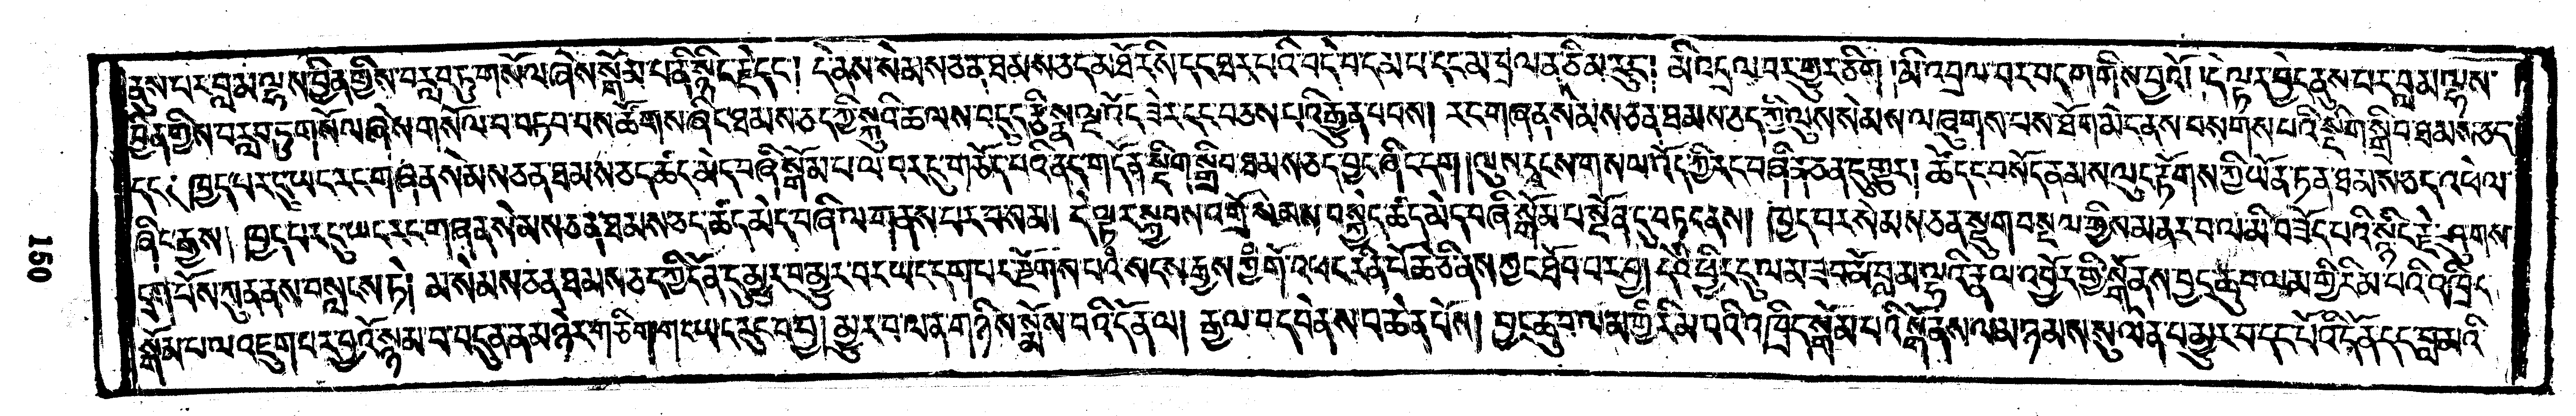ནུས་པར་བླ་མ་ལྷས་བྱིན་གྱིས་བརླབ་ཏུ་གསོལ་ཞེས་སྒོམ་པ་ནི་སྙིང་རྗེ་དང་། དེ་ནས་སེམས་ཅན་ཐམས་ཅད་མཐོ་རིས་དང་ཐར་བའི་བདེ་བ་དང་དམ་པ་དང་མ་བྲལ་ན་ཅི་མ་རུང་། མི་འདྲལ་བར་གྱུར་ཅིག །མི་འབྲལ་བར་བདག་གིས་བྱའོ། །དེ་ལྟར་བྱེད་ནུས་པར་བླ་མ་ལྷས་
བྱིན་གྱིས་བརླབ་ཏུ་གསོལ་ཞེས་གསོལ་བ་བཏབ་པས་ཚོགས་ཞིང་ཐམས་ཅད་ཀྱི་སྐུའི་ཆ་ལས་བདུད་རྩི་སྣ་ལྔ་འོད་ཟེར་དང་བཅས་པའི་རྒྱུན་བབས། རང་གཞན་སེམས་ཅན་ཐམས་ཅད་ཀྱི་ལུས་སེམས་ལ་ཞུགས་པས་ཐོག་མེད་ནས་བསགས་པའི་སྡིག་སྒྲིབ་ཐམས་ཅད་
དང༑ ཁྱད་པར་དུ་ཡང་རང་གཞན་སེམས་ཅན་ཐམས་ཅད་ཚད་མེད་བཞི་སྒོམ་པ་ལ་བར་དུ་གཅོད་པའི་ནད་གདོན་སྡིག་སྒྲིབ་ཐམས་ཅད་བྱང་ཞིང་དག །ལུས་དྭངས་གསལ་འོད་ཀྱི་རང་བཞིན་ཅན་དུ་གྱུར། ཚེ་དང་བསོད་ནམས་ལུང་རྟོགས་ཀྱི་ཡོན་ཏན་ཐམས་ཅད་འཕེལ་
ཞིང་རྒྱས། ཁྱད་པར་དུ་ཡང་རང་གཞན་སེམས་ཅན་ཐམས་ཅད་ཚད་མེད་བཞི་ལ་གནས་པར་བསམ། དེ་ལྟར་སྐྱབས་འགྲོ་སེམས་བསྐྱེད་ཚུལ་མེད་བཞི་སྒོམ་པ་སྔོན་དུ་བཏང་ནས། ཁྱད་པར་སེམས་ཅན་སྡུག་བསྔལ་གྱིས་མནར་བ་ལ་མི་བཟོད་པའི་སྙིང་རྗེ་ཤུགས་
དྲག་པོས་ཀུན་ནས་བསླངས་ཏེ། མ་སེམས་ཅན་ཐམས་ཅད་ཀྱི་དོན་དུ་མྱུར་བ་མྱུར་བར་ཡང་དག་པར་རྫོགས་པའི་སངས་རྒྱས་ཀྱི་གོ་འཕང་རིན་པོ་ཆེ་ཅི་ནས་ཀྱང་ཐོབ་པར་བྱ། དེའི་ཕྱིར་དུ་ལམ་ཟབ་མོ་བླ་མ་ལྷའི་རྣལ་འབྱོར་གྱི་སྒོ་ནས་བྱང་ཆུབ་ལམ་གྱི་རིམ་པའི་འཁྲིད་
སྒོམ་པ་ལ་འཇུག་པར་བྱའོ་སྙམ་བ་བདུན་ནམ་ཉེར་གཅིག་གང་ཡང་རུང་བ་བྱ། མྱུར་བ་ལན་གཉིས་སྨོས་པའི་དོན་ལ། རྒྱལ་བ་དབེན་ས་བ་ཆེན་པོས། བྱང་ཆུབ་ལམ་གྱི་རིམ་པའི་འཁྲིད་སྒོམ་པའི་སྒོ་ནས་ལམ་ཉམས་སུ་ལེན་པ་མྱུར་བ་དང་པོའི་དོན་དང་བླ་མའི་